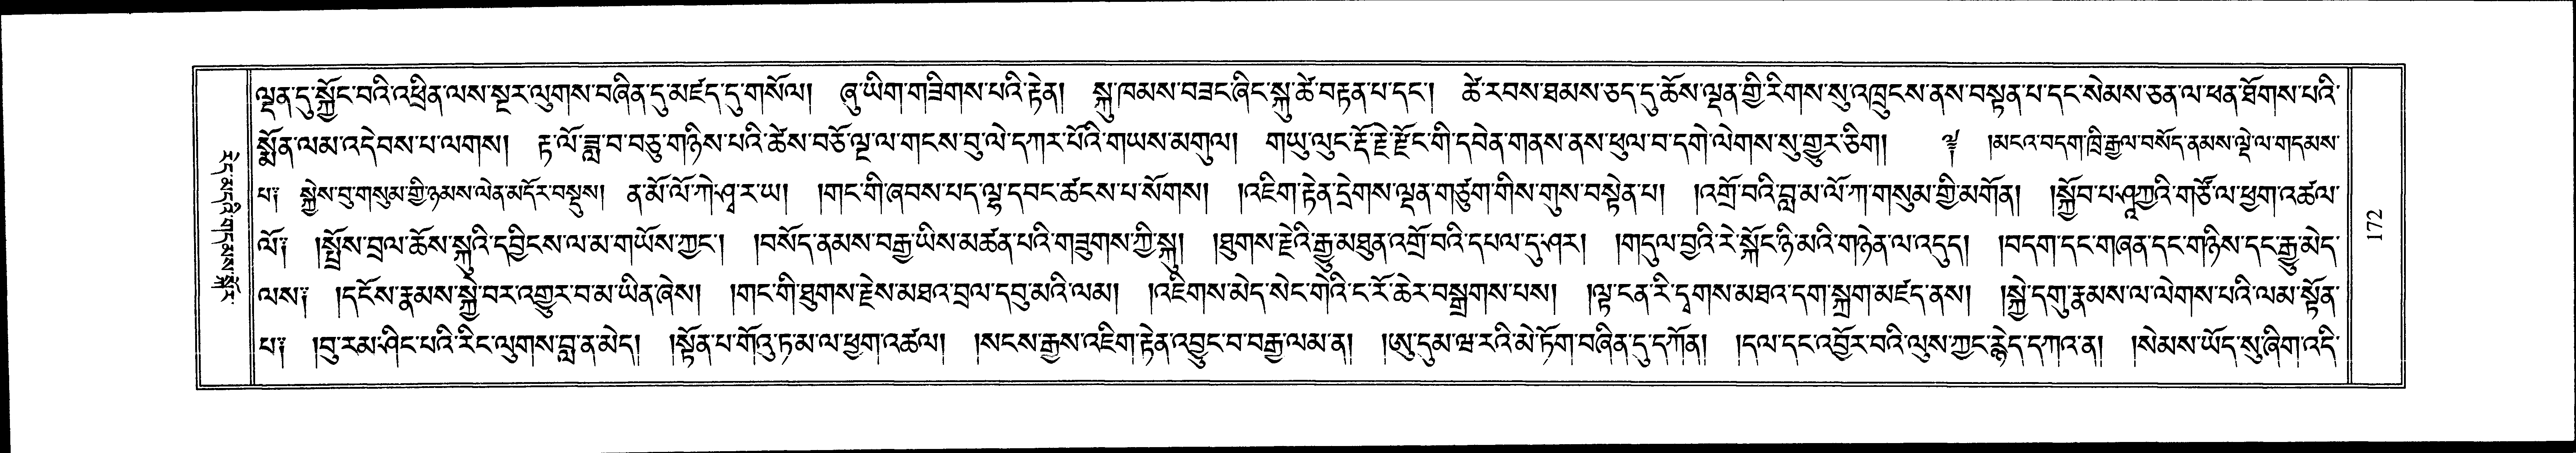ལྡན་དུ་སྐྱོང་བའི་འཕྲིན་ལས་སྔར་ལུགས་བཞིན་དུ་མཛད་དུ་གསོལ། ཞུ་ཡིག་གཟིགས་པའི་རྟེན། སྐུ་ཁམས་བཟང་ཞིང་སྐུ་ཚེ་བརྟན་པ་དང་། ཚེ་རབས་ཐམས་ཅད་དུ་ཆོས་ལྡན་གྱི་རིགས་སུ་འཁྲུངས་ནས་བསྟན་པ་དང་སེམས་ཅན་ལ་ཕན་ཐོགས་པའི་
སྨོན་ལམ་འདེབས་པ་ལགས། །རྟ་ལོ་ཟླ་བ་བཅུ་གཉིས་པའི་ཚེས་བཅོ་ལྔ་ལ་གངས་བུ་ལེ་དཀར་པོའི་གཡས་མགུལ། གཡུ་ལུང་རྡོ་རྗེ་རྫོང་གི་དབེན་གནས་ནས་ཕུལ་བ་དགེ་ལེགས་སུ་གྱུར་ཅིག། ༈ །མངའ་བདག་ཁྲི་རྒྱལ་བསོད་ནམས་ལྡེ་ལ་གདམས་
པ། སྐྱེས་བུ་གསུམ་གྱི་ཉམས་ལེན་མདོར་བསྡུས། ན་མོ་ལོ་ཀེ་ཤྭ་ར་ཡ། །གང་གི་ཞབས་པད་ལྷ་དབང་ཚངས་པ་སོགས། །འཇིག་རྟེན་དྲེགས་ལྡན་གཙུགས་གིས་གུས་བསྟེན་པ། །འགྲོ་བའི་བླ་མ་ལོ་ཀ་གསུམ་གྱི་མགོན། །སྐྱོབ་པ་ཤཱཀྱའི་གཙོ་ལ་ཕྱག་འཚལ་
ལོ། །སྤྲོས་བྲལ་ཆོས་སྐུའི་དབྱིངས་ལ་མ་གཡོས་ཀྱང་། །བསོད་ནམས་བརྒྱ་ཡིས་མཚན་པའི་གཟུགས་ཀྱི་སྐུ། །ཐུགས་རྗེའི་རྒྱུ་མཐུན་འགྲོ་བའི་དཔལ་དུ་ཤར། །གདུལ་བྱའི་རེ་སྐོང་ཉི་མའི་གཉེན་ལ་འདུད། །བདག་དང་གཞན་དང་གཉིས་དང་རྒྱུ་མེད་
ལས། །དངོས་རྣམས་སྐྱེ་བར་འགྱུར་བ་མ་ཡིན་ཞེས། །གང་གི་ཐུགས་རྗེས་མཐའ་བྲལ་དབུ་མའི་ལམ། །འཇིགས་མེད་སེང་གེའི་ང་རོ་ཆེར་བསྒྲགས་པས། །ལྟ་ངན་རི་དྭགས་མཐའ་དག་སྐྲག་མཛད་ནས། །སྐྱེ་དགུ་རྣམས་ལ་ལེགས་པའི་ལམ་སྟོན་
པ། །བུ་རམ་ཤིང་པའི་རིང་ལུགས་བླ་ན་མེད། །སྟོན་པ་གོའུ་ཏ་མ་ལ་ཕྱག་འཚལ། །སངས་རྒྱས་འཇིག་རྟེན་འབྱུང་བ་བརྒྱ་ལམ་ན། །ཨུ་དུམ་ཝ་རའི་མེ་ཏོག་བཞིན་དུ་དཀོན། །དལ་དང་འབྱོར་བའི་ལུས་ཀྱང་རྙེད་དཀའ་ན། སེམས་ཡོད་སུ་ཞིག་འདི་